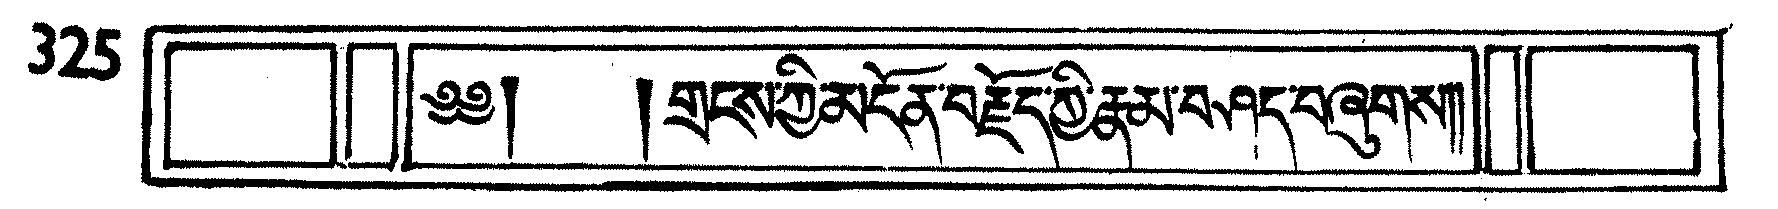༄༅། །གྲངས་ཀྱི་མངོན་བརྗོད་ཀྱི་རྣམ་བཤད་བཞུགས། །